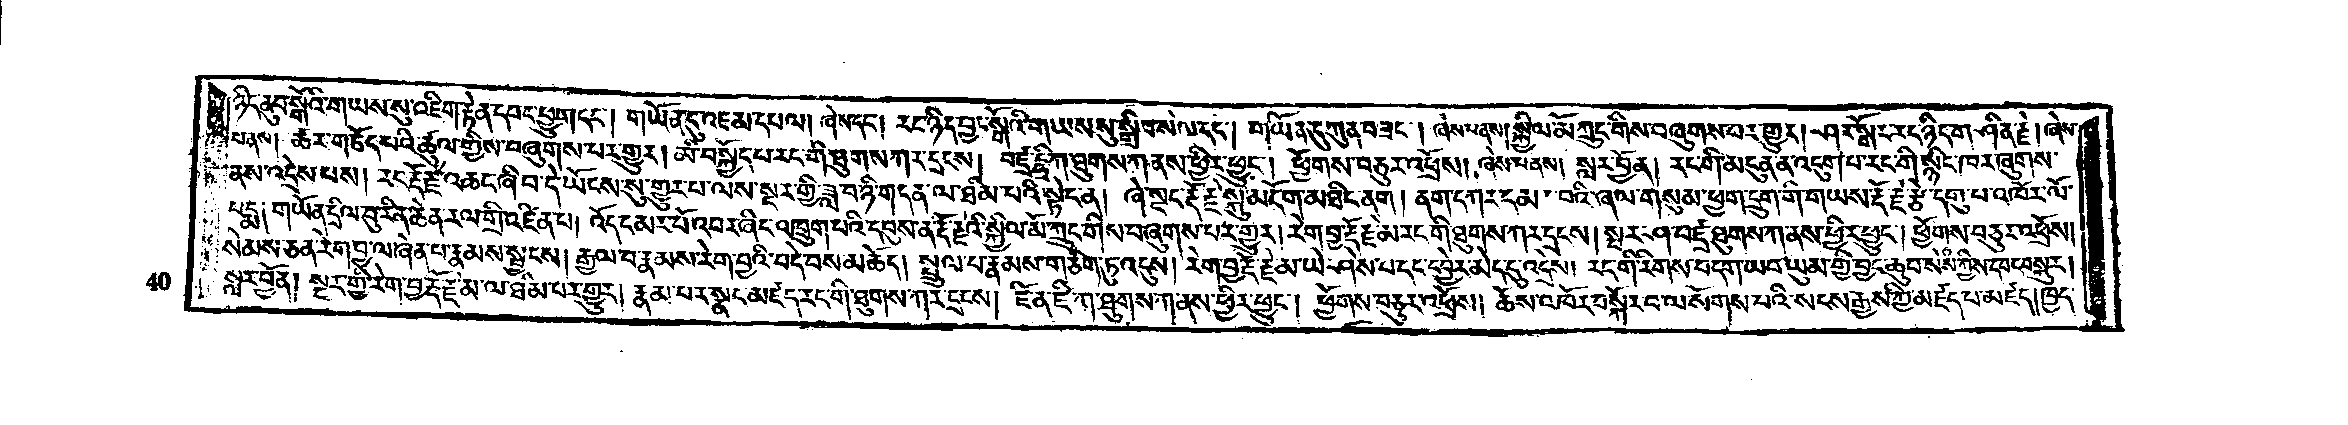ཉིད་ནུབ་སྒོའི་གཡས་སུ་འཇིག་རྟེན་དབང་ཕྱུག་དང་། གཡོན་དུ་འཇམ་དཔལ། ཞེས་དང་།  རང་ཉིད་བྱང་སྒོའི་གཡས་སུ་སྒྲིབ་སེལ་དང་། གཡོན་དུ་ཀུན་བཟང་། ཞེས་པ་ནས།  སྐྱིལ་མོ་ཀྲུང་གིས་བཞུགས་པར་གྱུར། ཤར་སྒོར་རང་ཉིད་གཤིན་རྗེ། ཞེས་
པ་ནས། ཚར་གཅོད་པའི་ཚུལ་གྱིས་བཞུགས་པར་གྱུར། མི་བསྐྱོད་པ་རང་གི་ཐུགས་ཀར་དྲངས། བཛྲ་དྷྲི་ཀ་ཐུགས་ཀ་ནས་ཕྱིར་ཕྱུང་། ཕྱོགས་བཅུར་འཕྲོས། ཞེས་པ་ནས།  སླར་བྱོན། རང་གི་མདུན་ན་འདུག་པ་རང་གི་སྙིང་ཁར་ཞུགས་
ནས་འདྲེས་པས། རང་རྡོ་རྗེ་འཆང་ཞི་བ་དེ་ཡོངས་སུ་གྱུར་པ་ལས་སྔར་གྱི་ཟླ་བ་ཉི་གདན་ལ་ཐིམ་པའི་སྟེང་ན། ཞེ་སྡང་རྡོ་རྗེ་སྐུ་མདོག་མཐིང་ནག །ནག་དཀར་དམར་བའི་ཞལ་གསུམ་ཕྱག་དྲུག་གི་གཡས་རྡོ་རྗེ་རྩེ་དགུ་པ་འཁོར་ལོ་
པདམ། གཡོན་དྲིལ་བུ་རིན་ཆེན་རལ་གྲི་འཛིན་པ། འོད་དམར་པོ་འབར་ཞིང་འཁྲུག་པའི་དབུས་ན་རྡོ་རྗེའི་སྐྱིལ་མོ་ཀྲུང་གིས་བཞུགས་པར་གྱུར། རེག་བྱ་རྡོ་རྗེ་མ་རང་གི་ཐུགས་ཀར་དྲངས། སྤར་ཤ་བཛྲ་ཐུགས་ཀ་ནས་ཕྱིར་ཕྱུང་། ཕྱོགས་བཅུར་འཕྲོས།
སེམས་ཅན་རེག་བྱ་ལ་ཞན་པ་རྣམས་སྦྱངས། རྒྱལ་བ་རྣམས་རེག་བྱའི་བདེ་བས་མཆོད། སྤྲུལ་པ་རྣམས་གཅིག་ཏུ་འདུས། རེག་བྱ་རྡོ་རྗེ་མ་ཡེ་ཤེས་པ་དང་དབྱེར་མེད་དུ་འདྲེས། རང་གི་རིགས་བདག་ཡབ་ཡུམ་གྱི་བྱང་ཆུབ་སེམས་ཀྱིས་དབང་བསྐུར།
སླར་བྱོན། སྔར་གྱི་རེག་བྱ་རྡོ་རྗེ་མ་ལ་ཐིམ་པར་གྱུར། རྣམ་པར་སྣང་མཛད་རང་གི་ཐུགས་ཀར་དྲངས། ཛི་ན་ཛི་ཀ་ཐུགས་ཀ་ནས་ཕྱིར་ཕྱུང་། ཕྱོགས་བཅུར་འཕྲོས། ཆོས་འཁོར་བསྐོར་བ་ལ་སོགས་པའི་སངས་རྒྱས་ཀྱི་མཛད་པ་མཛད། ཁྱད་